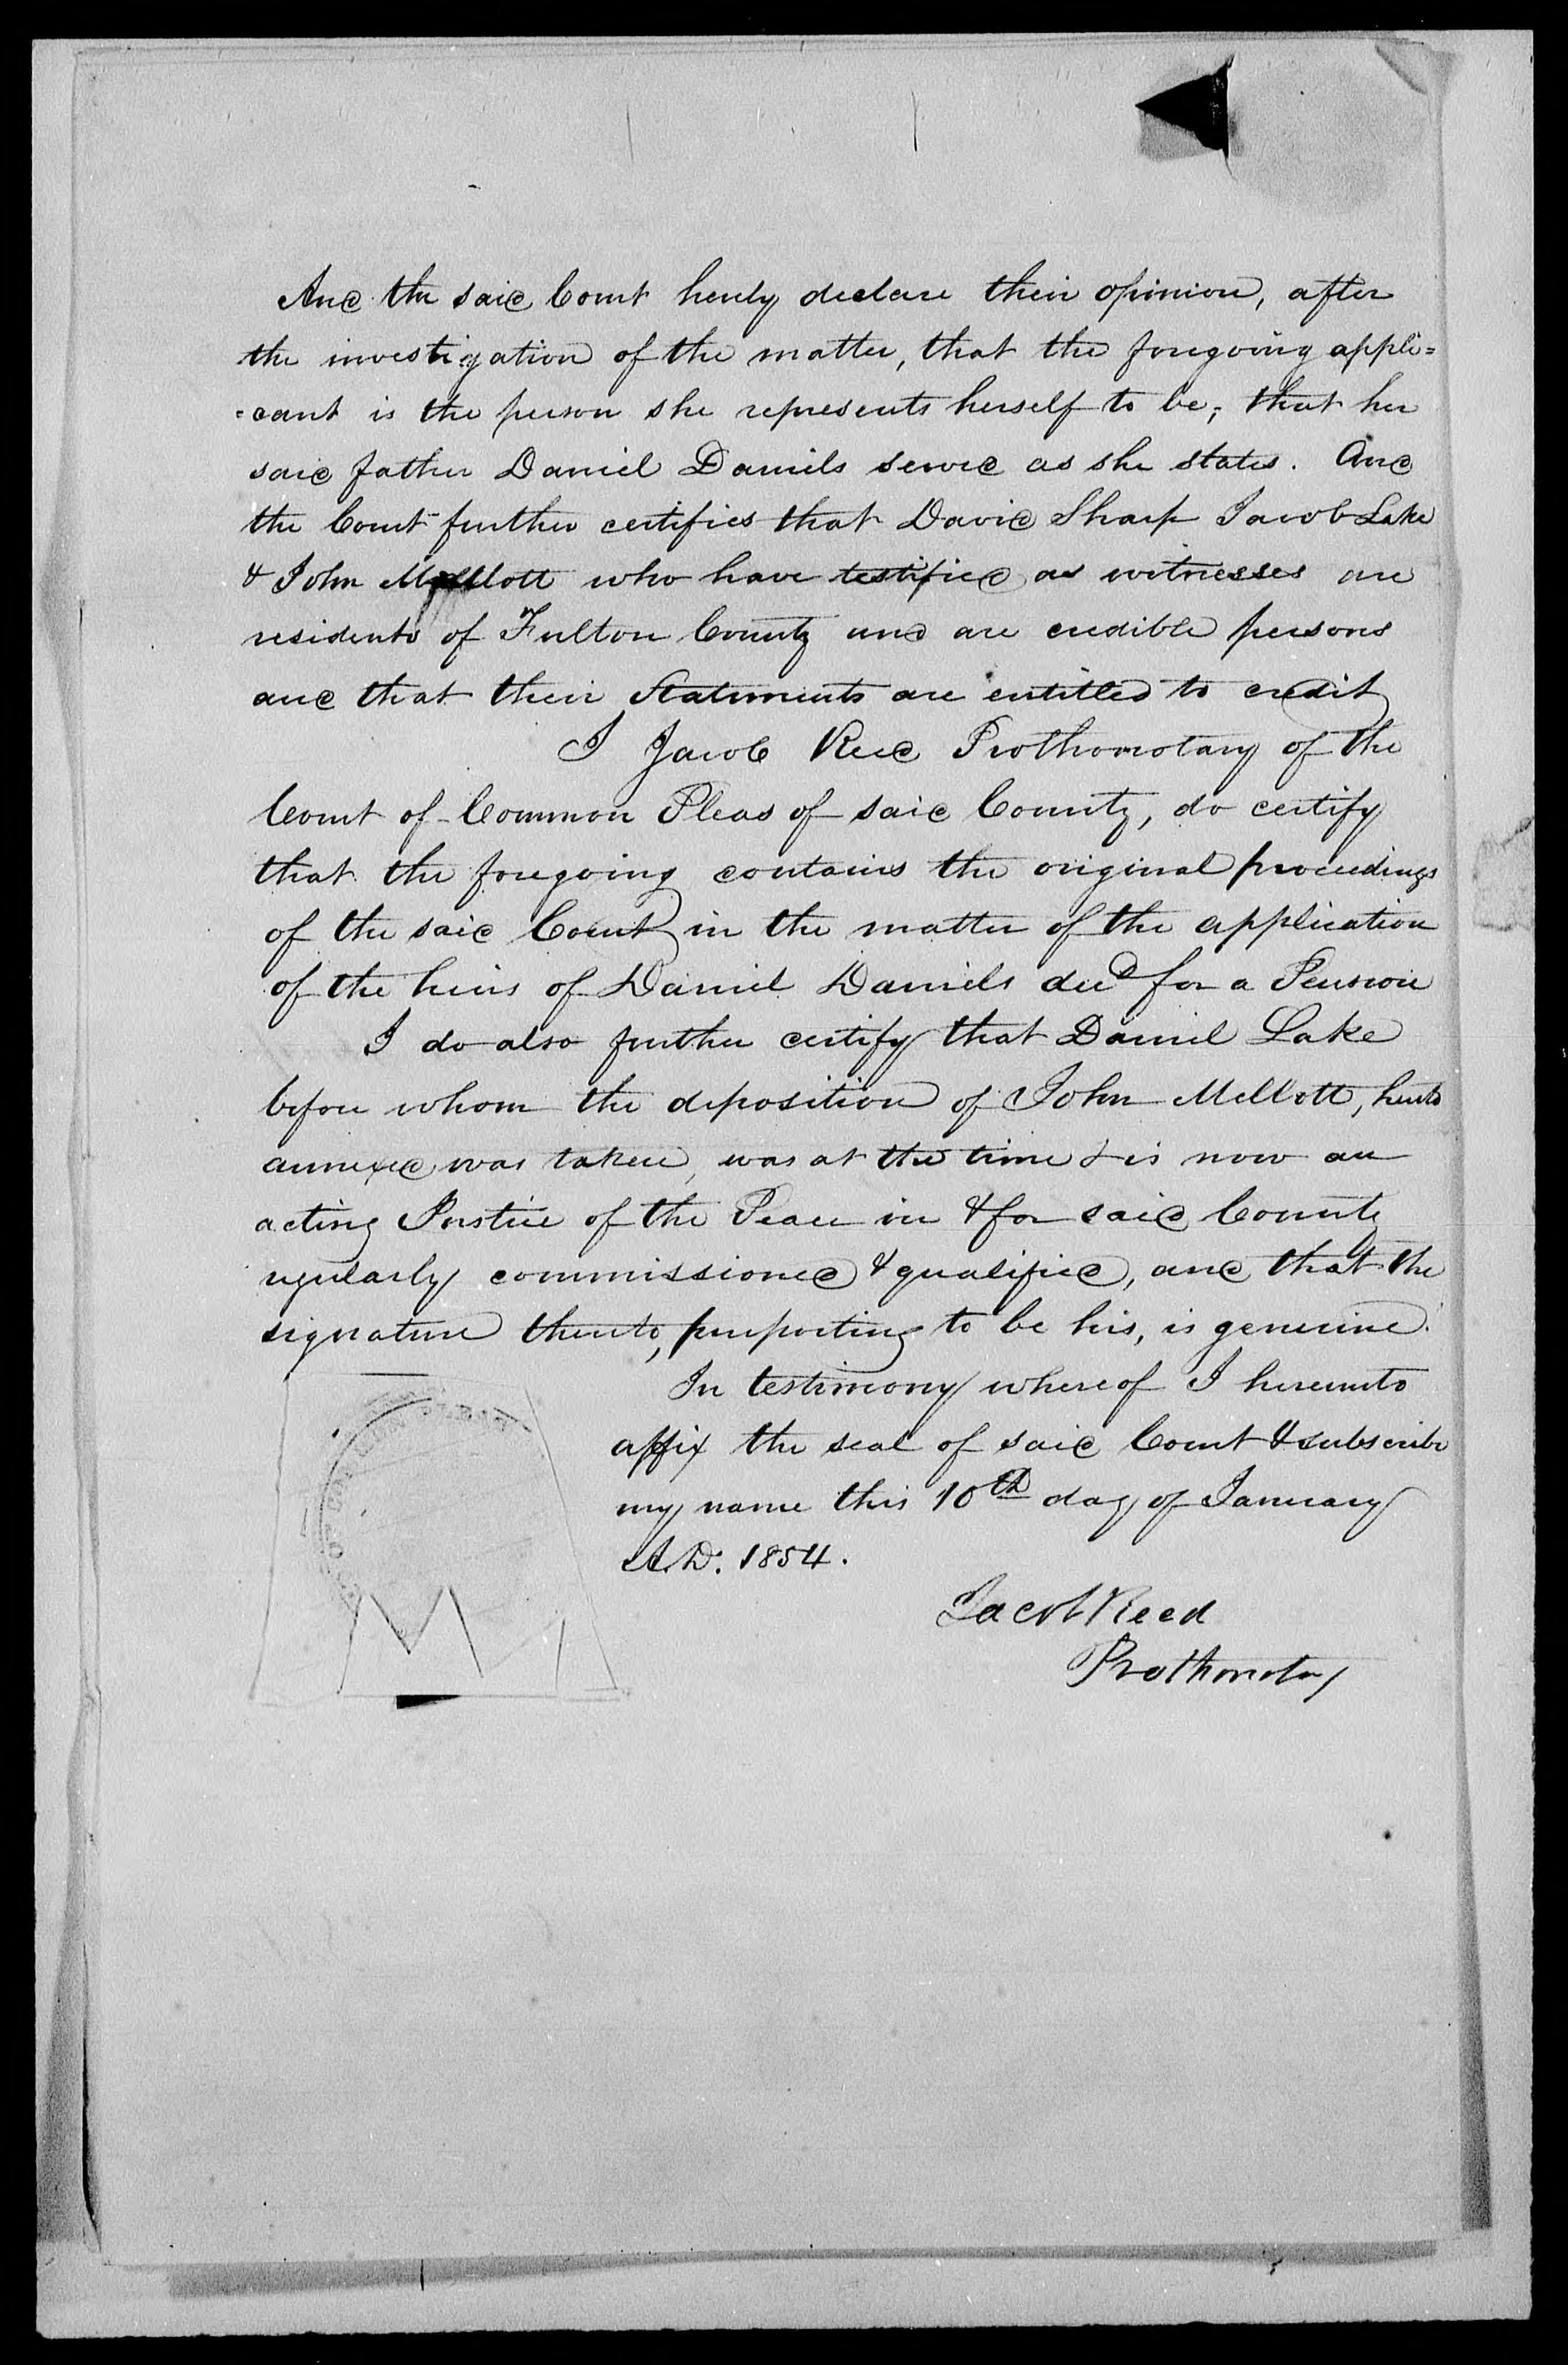And the said Court hereby declare their opinion, after
the investigation of the matter, that the foregoing applicant
is the person she represents herself to be; that her
said father Daniel Daniels service as she states. And
the Court further certifies that David Sharp Jacob Lake
& John Mellott who have testified as witnesses are
residents of Fulton County and are credible persons
and that their statements are entitled to credit.
I Jacob Reed Prothonotary of the
Court of Common Pleas of said County, do certify
that the foregoing contains the original proceedings
of the said Court in the matter of the application
of the heirs of Daniel Daniels decd for a Pension.
I do also further certify that Daniel Lake
before whom the deposition of John Mellott, hereto
annexed was taken, was at the time & is now an
acting Justice of the Peace in & for said County
regularly commissioned & qualified, and that the
signature thereto purporting to be his, is genuine.
In testimony whereof I hereunto
affix the seal of said Court & subscribe
my name this 10th day of January
A.D. 1854.
Jacob Reed
Prothonotary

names: Jacob Reed, Jacob Reed, John Mellott, John Mellott, Daniel Daniels, Daniel Daniels, Jacob Lake, Daniel Lake, David Sharp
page: 5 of 35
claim: rejected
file: R. 2,650, Daniel Daniels, Penn.